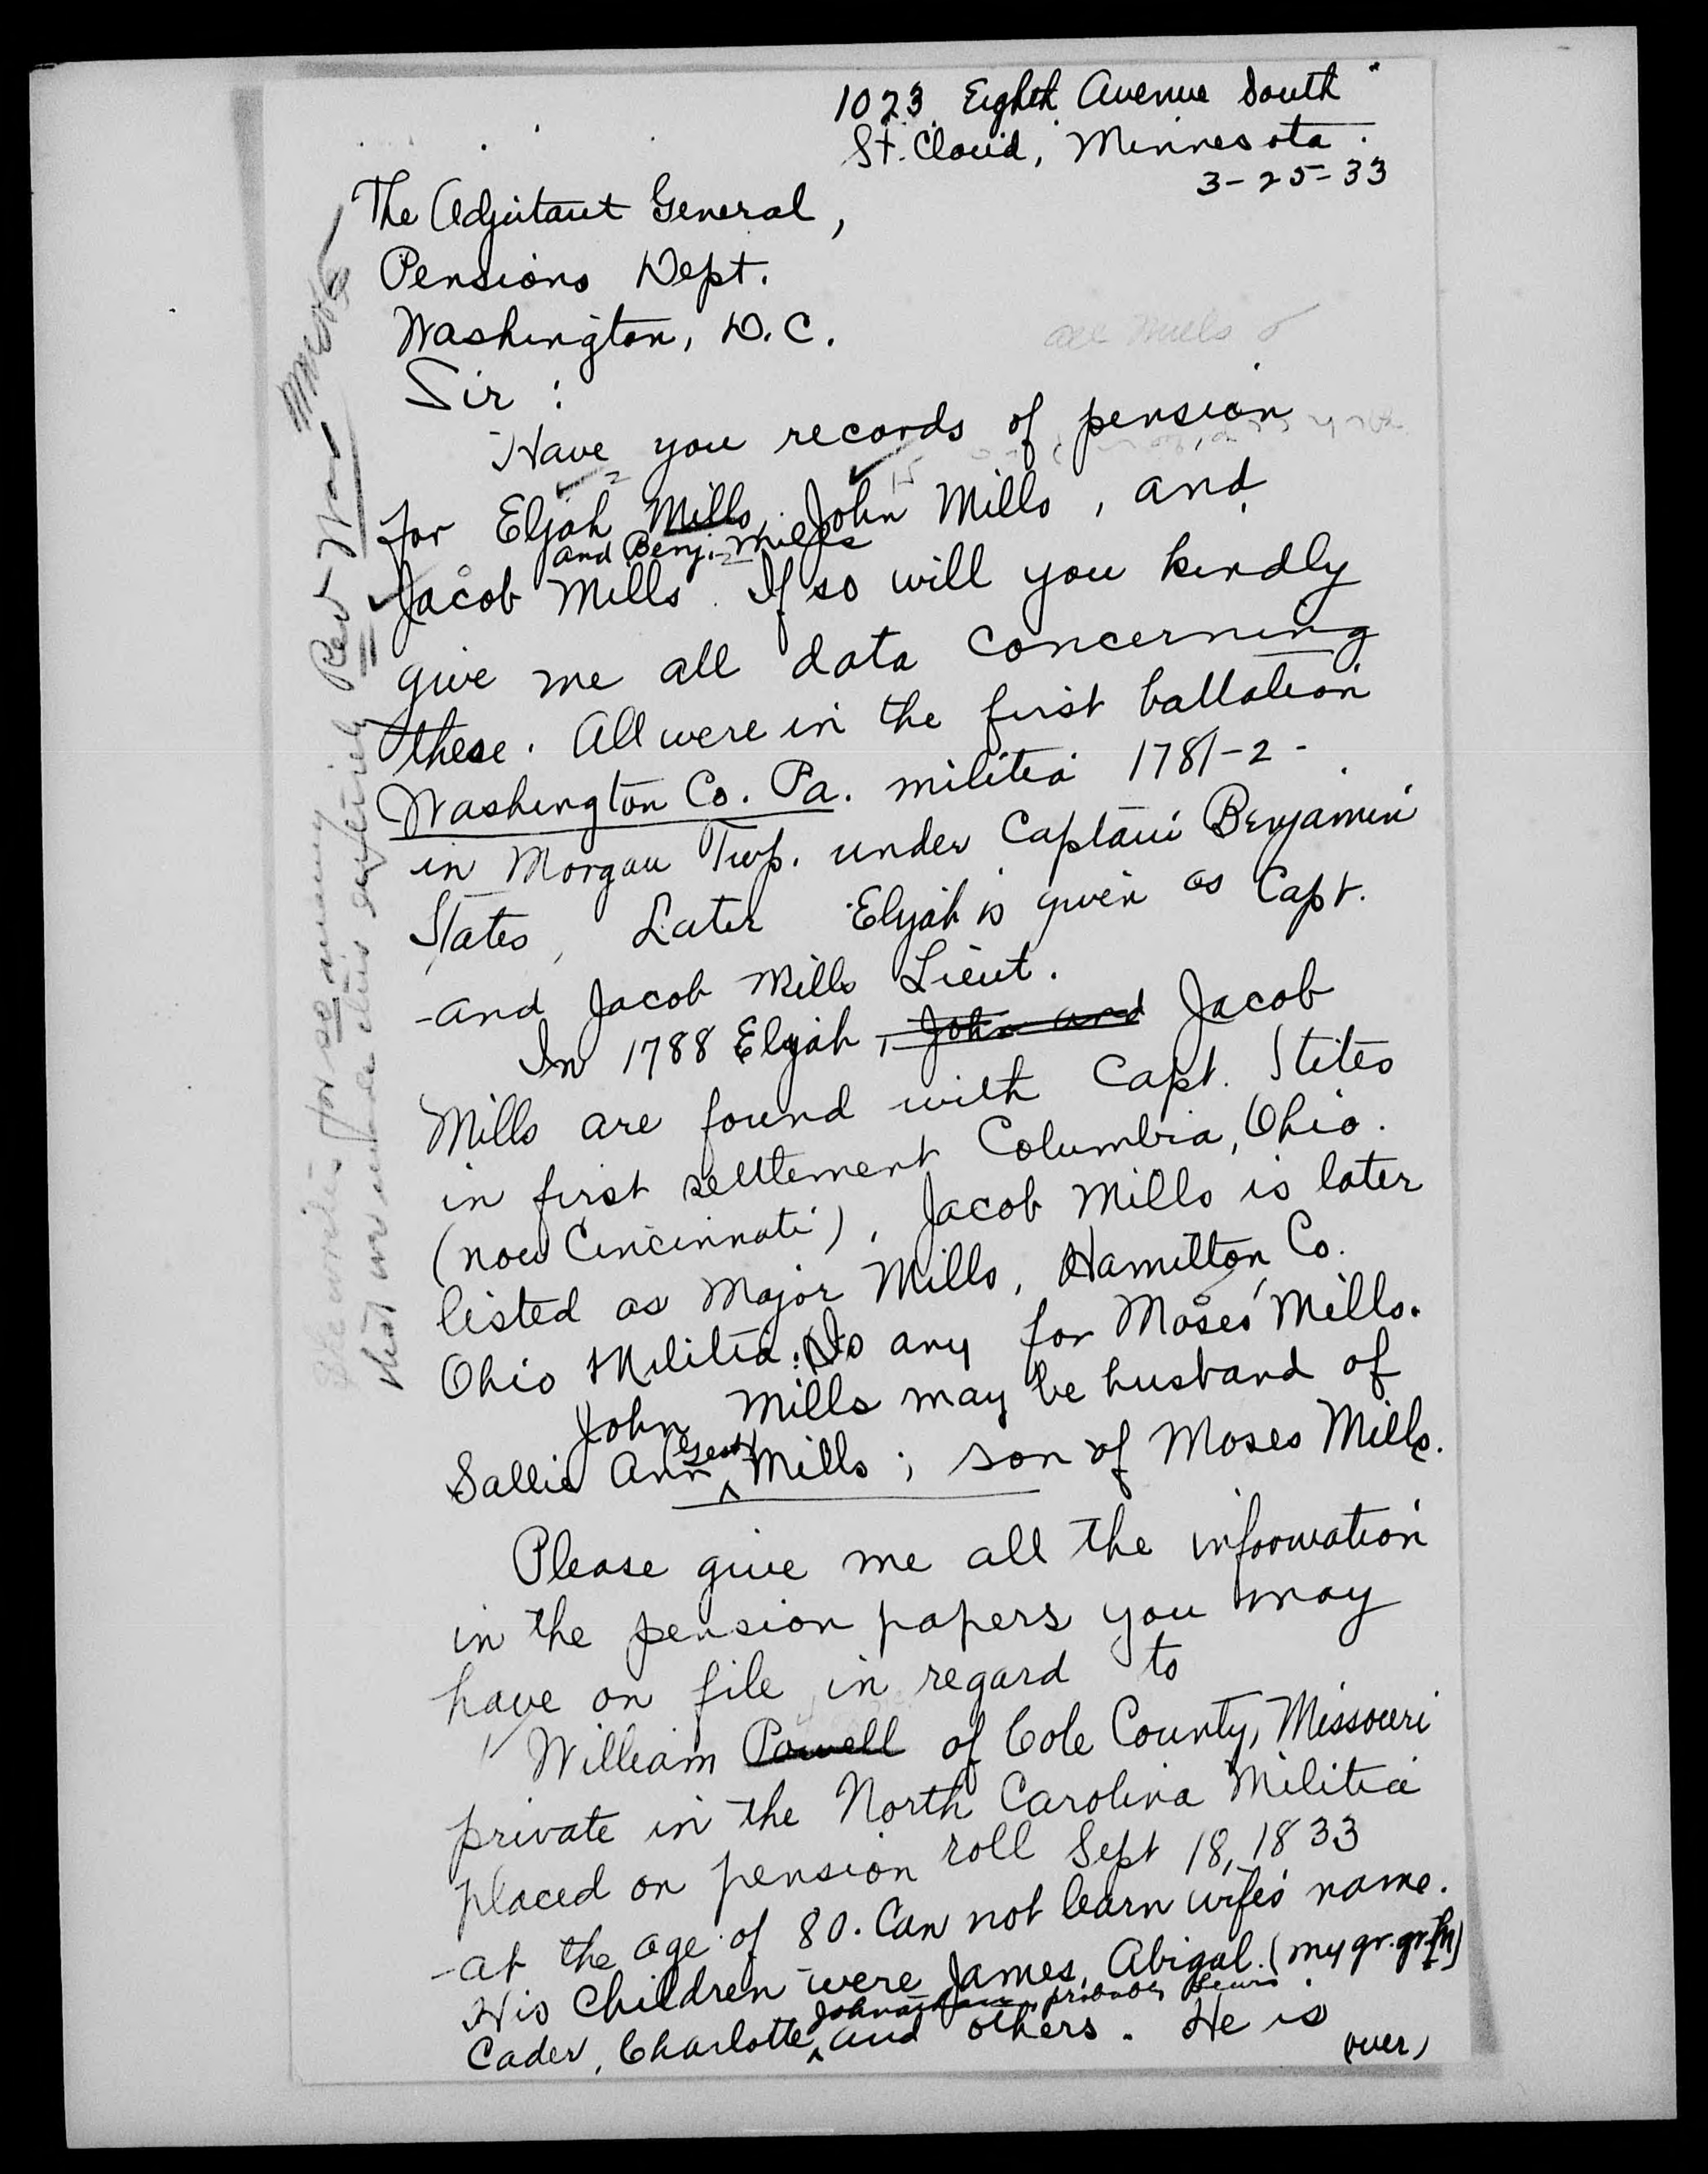1023 Eighth Avenue South
St. Cloud, Minnesota
3-25 -33
The Adjutant General,
to
Pensions Dept.
Washington, D.C.
all Mills
or
have
for
you records of pension
2
Eliah Mills, John Mills
and
and Mary Mills
Jack M.
Mills
If so will you kindly
give me all data
concerning
first ballation
Washington Co. Pa. Militia 1781-2
States
Captain Benjamin
Elijah D
and
Jacob Mills
Given
Lieut
as Capt.
In 1788 Elijah Jacob
Mills are found with
Capt Stites
in first settlement Columbia, Ohio.
(now Cincinnati
Jacob Mills
is later
listed as Major Mills, Hamilton
Co.
Ohio Milited: Is any
for Moses Mills.
of
Mills may be husband of
Mills, son of Moses Mills
Please give me all the information
in the pension papers, you may
have on file in regard
to
William Powell of Cole County, Missouri
private in the North Carolina Militia
placed on pension
roll Sept 18
1833
at the age of 80. Can not learn wifes name.
his children were James, Abigal my
Cader, Charlotte and others. He is
over )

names: William Powell; Abigal [BLANK]; Sallie Ann Mills; John Mills; Moses Mills; Jacob Mills; Benjamin Slates; James [BLANK]; Elijah Mills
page: 11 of 19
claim: survivor's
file: S. 17022, for William Powell, North Carolina